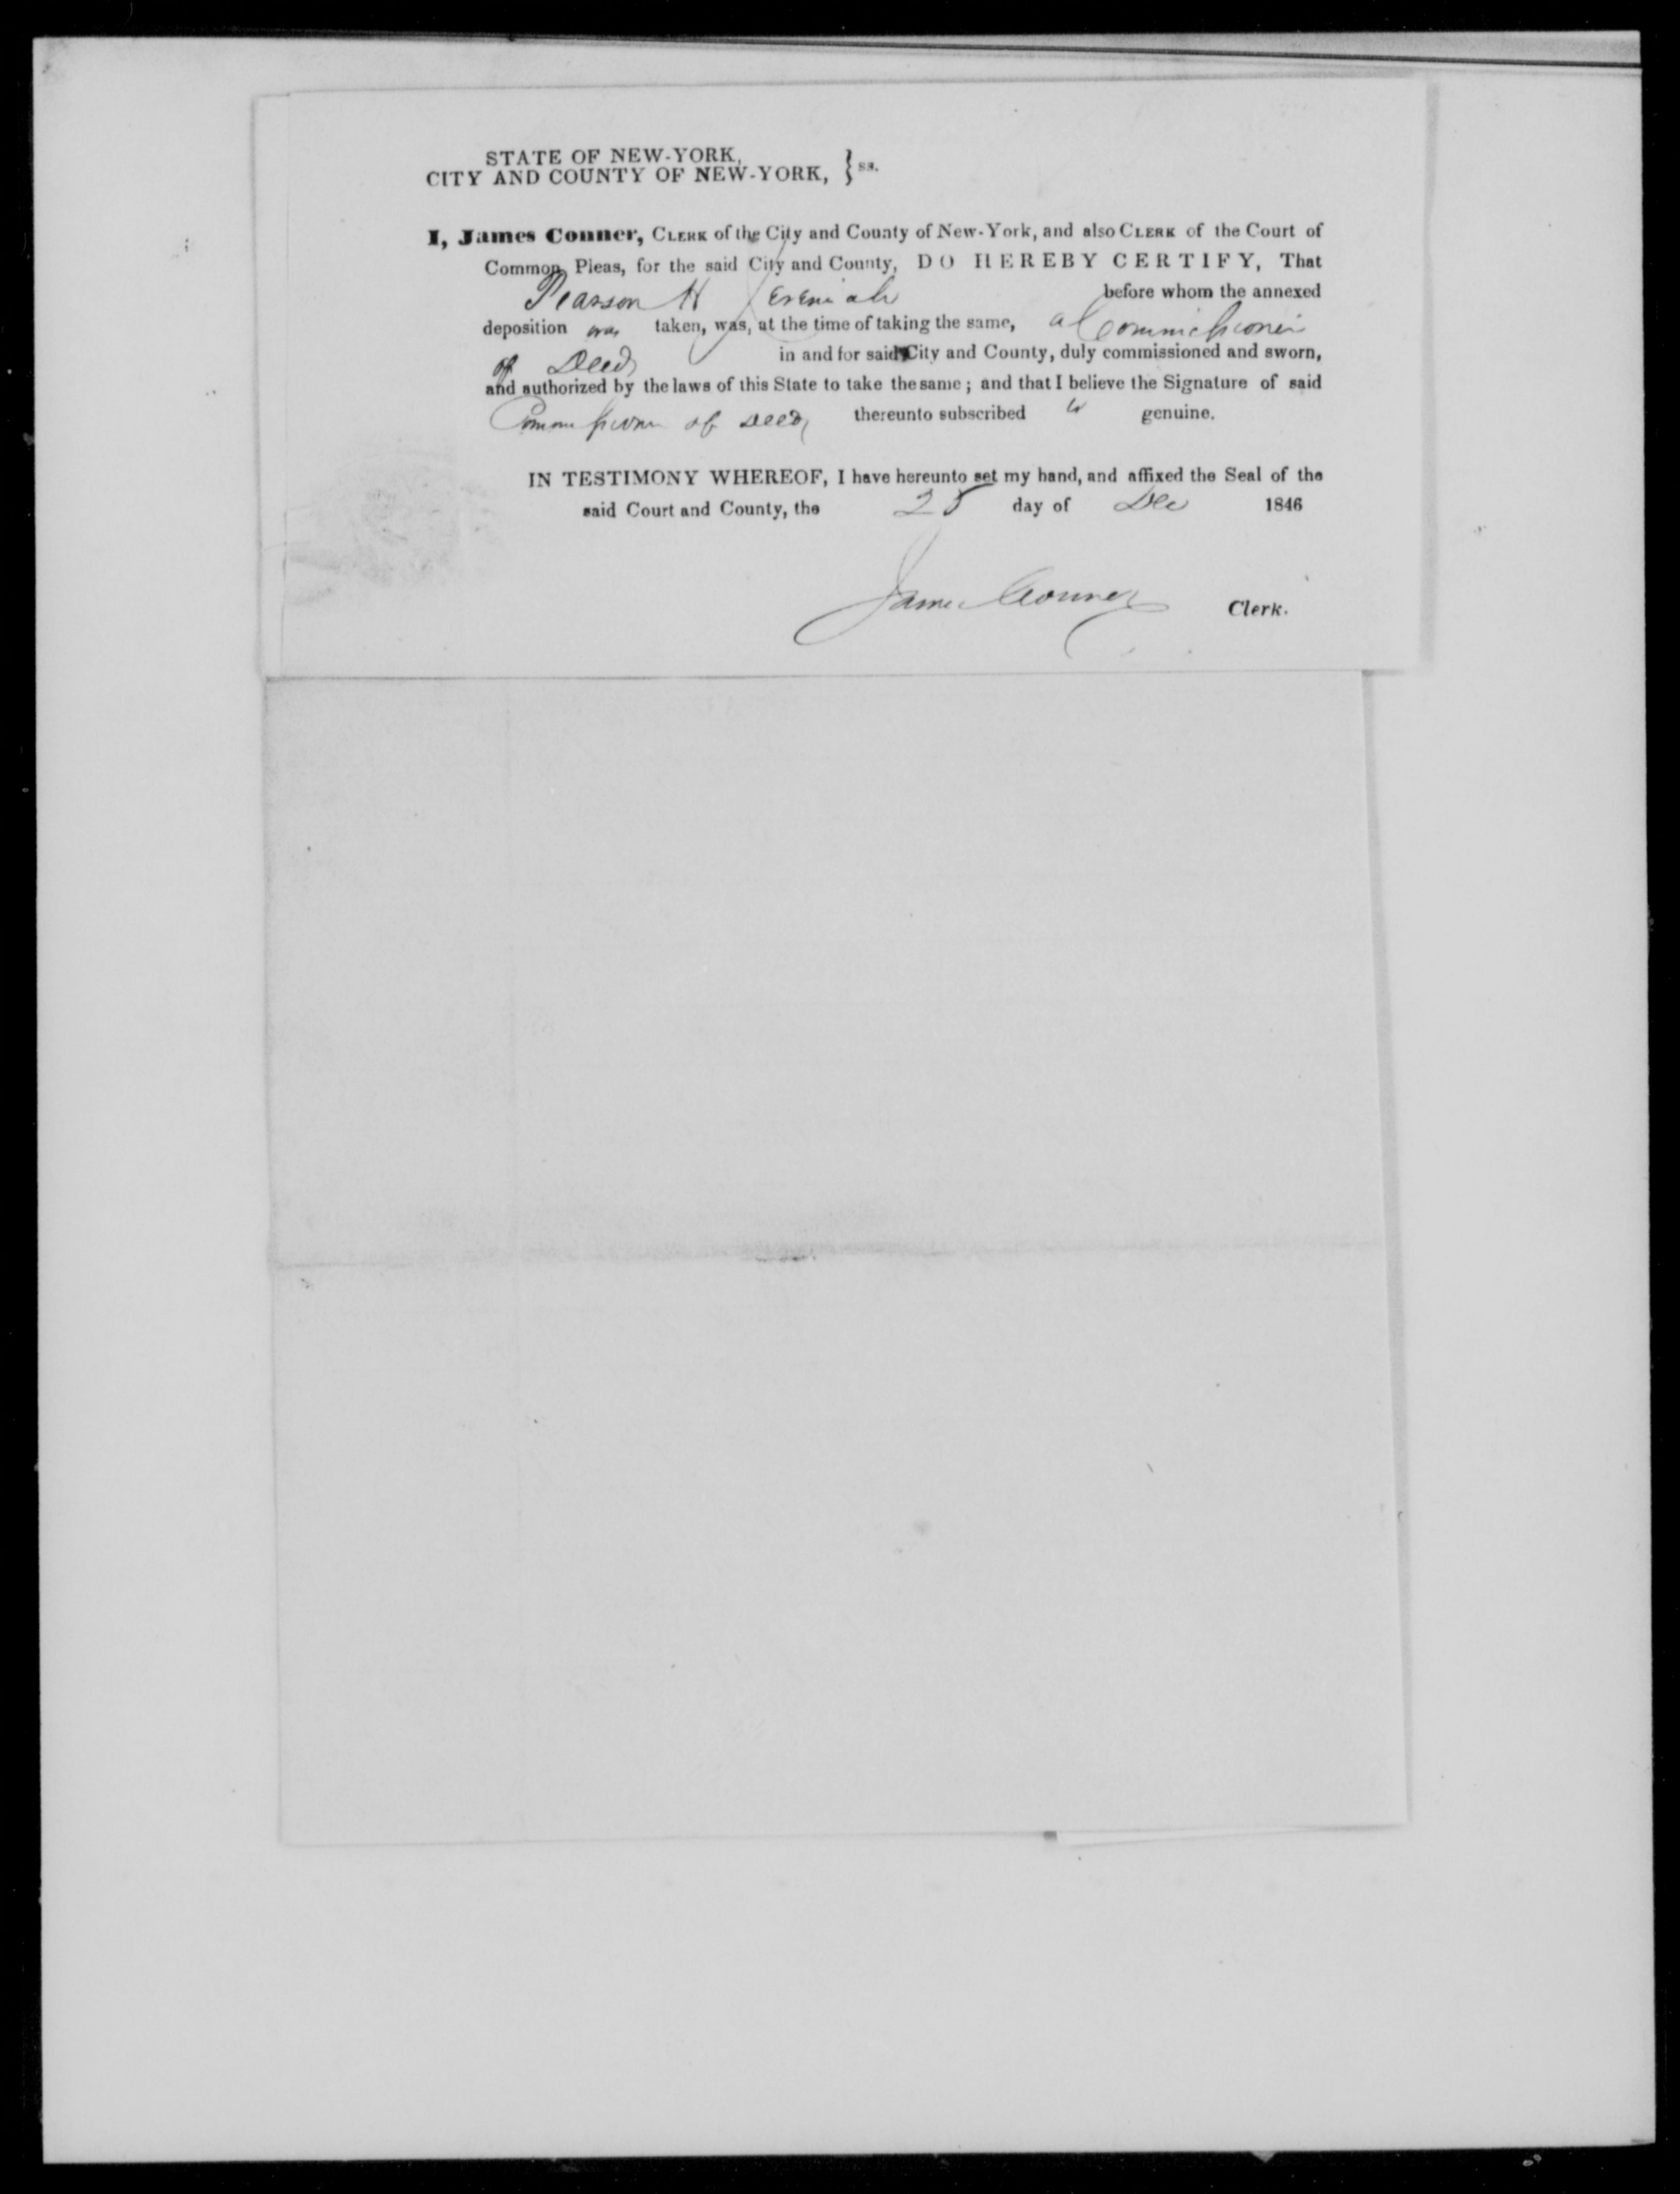STATE OF NEW YORK
CITY AND COUNTY OF NEW YORK, } SS

I, James Conner, Clerk of the City and County of New York, and also Clerk of the Court of Common Pleas, for the said City and County, DO HEREBY CERTIFY, That Pearson K. Jeremiah before whom the annexed deposition was taken, was at the time of taking the same, Commissioner of Deeds in and for said City and County, duly commissioned and sworn, and authorized by the laws of this State to take the same; and that I believe the Signature of said Commissioner of Deeds thereunto subscribed to genuine.
IN TESTIMONY  WHEREOF I have  hereunto set my hand , and affixed the Seal of the said Court and County, the 26th day of Dec 1846

James Connor     Clerk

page: 60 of 101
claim: widow's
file: W. 25481, for Peter V Tilyou, New Jersey